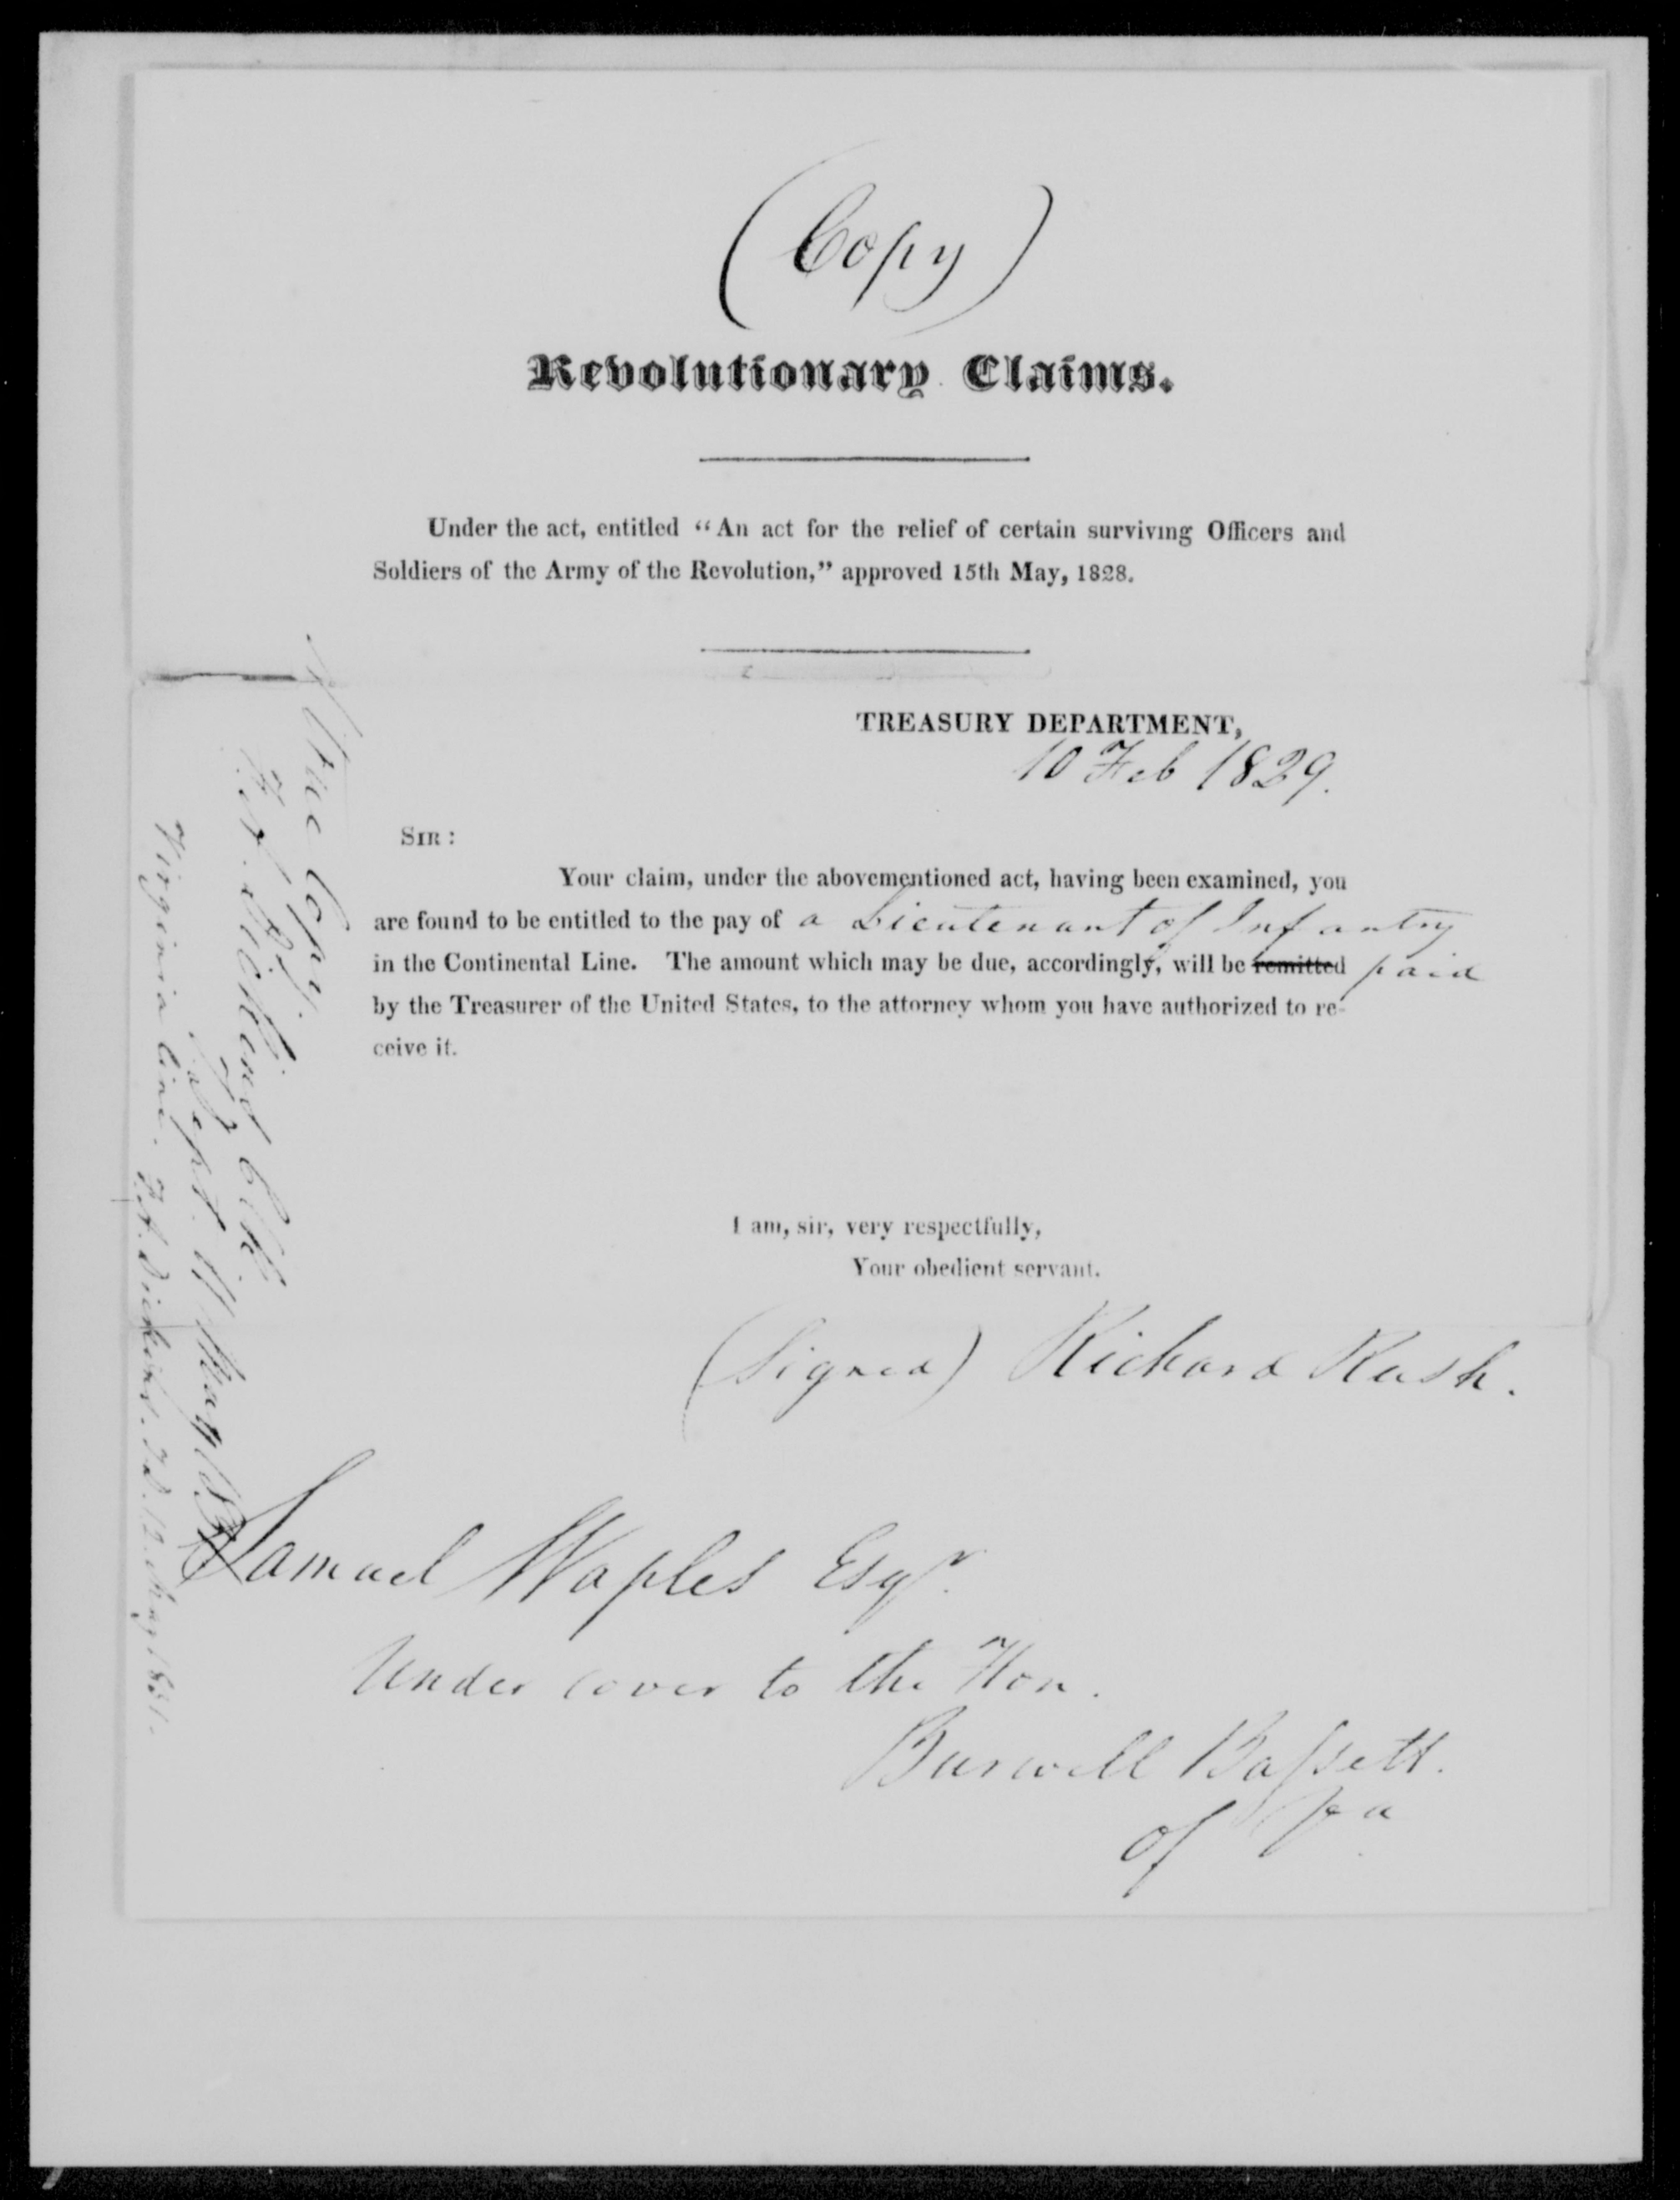(Copy)

Revolutionary Claims.
Under the act, entitled "An act for the relief of certain surviving Officers and Soldiers of the Army of the Revolution, " approved 15th May, 1828.

TREASURY DEPARTMENT.
10 Feb 1829

SIR:
Your claim, under the abovementioned act, having been examined, you are found to be entitled to the pay of a Lieutenant of Infantry in the Continental Line. The amount which may be due, accordingly, will be paid by the Treasurer of the United States, to the attorney whom you have authorized to receive it.

I am, sir, very respectfully,
Your obedient servant.
(Signed) Richard Rush

Samuel Waples Esqr
Under Cover to the Hon.
Burwell Bassett
Of Va

A true Copy.
F. A. Dickins Clk
T Dept 11 May 1831
Virginia line
F. A. Dickins. T.D. 12 May 1831.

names: F A Dickens, Richard Rush, Samuel Waples, Burwell Bassett, F A Dickens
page: 15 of 59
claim: widow's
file: W. 6427, Samuel Waples, Va.